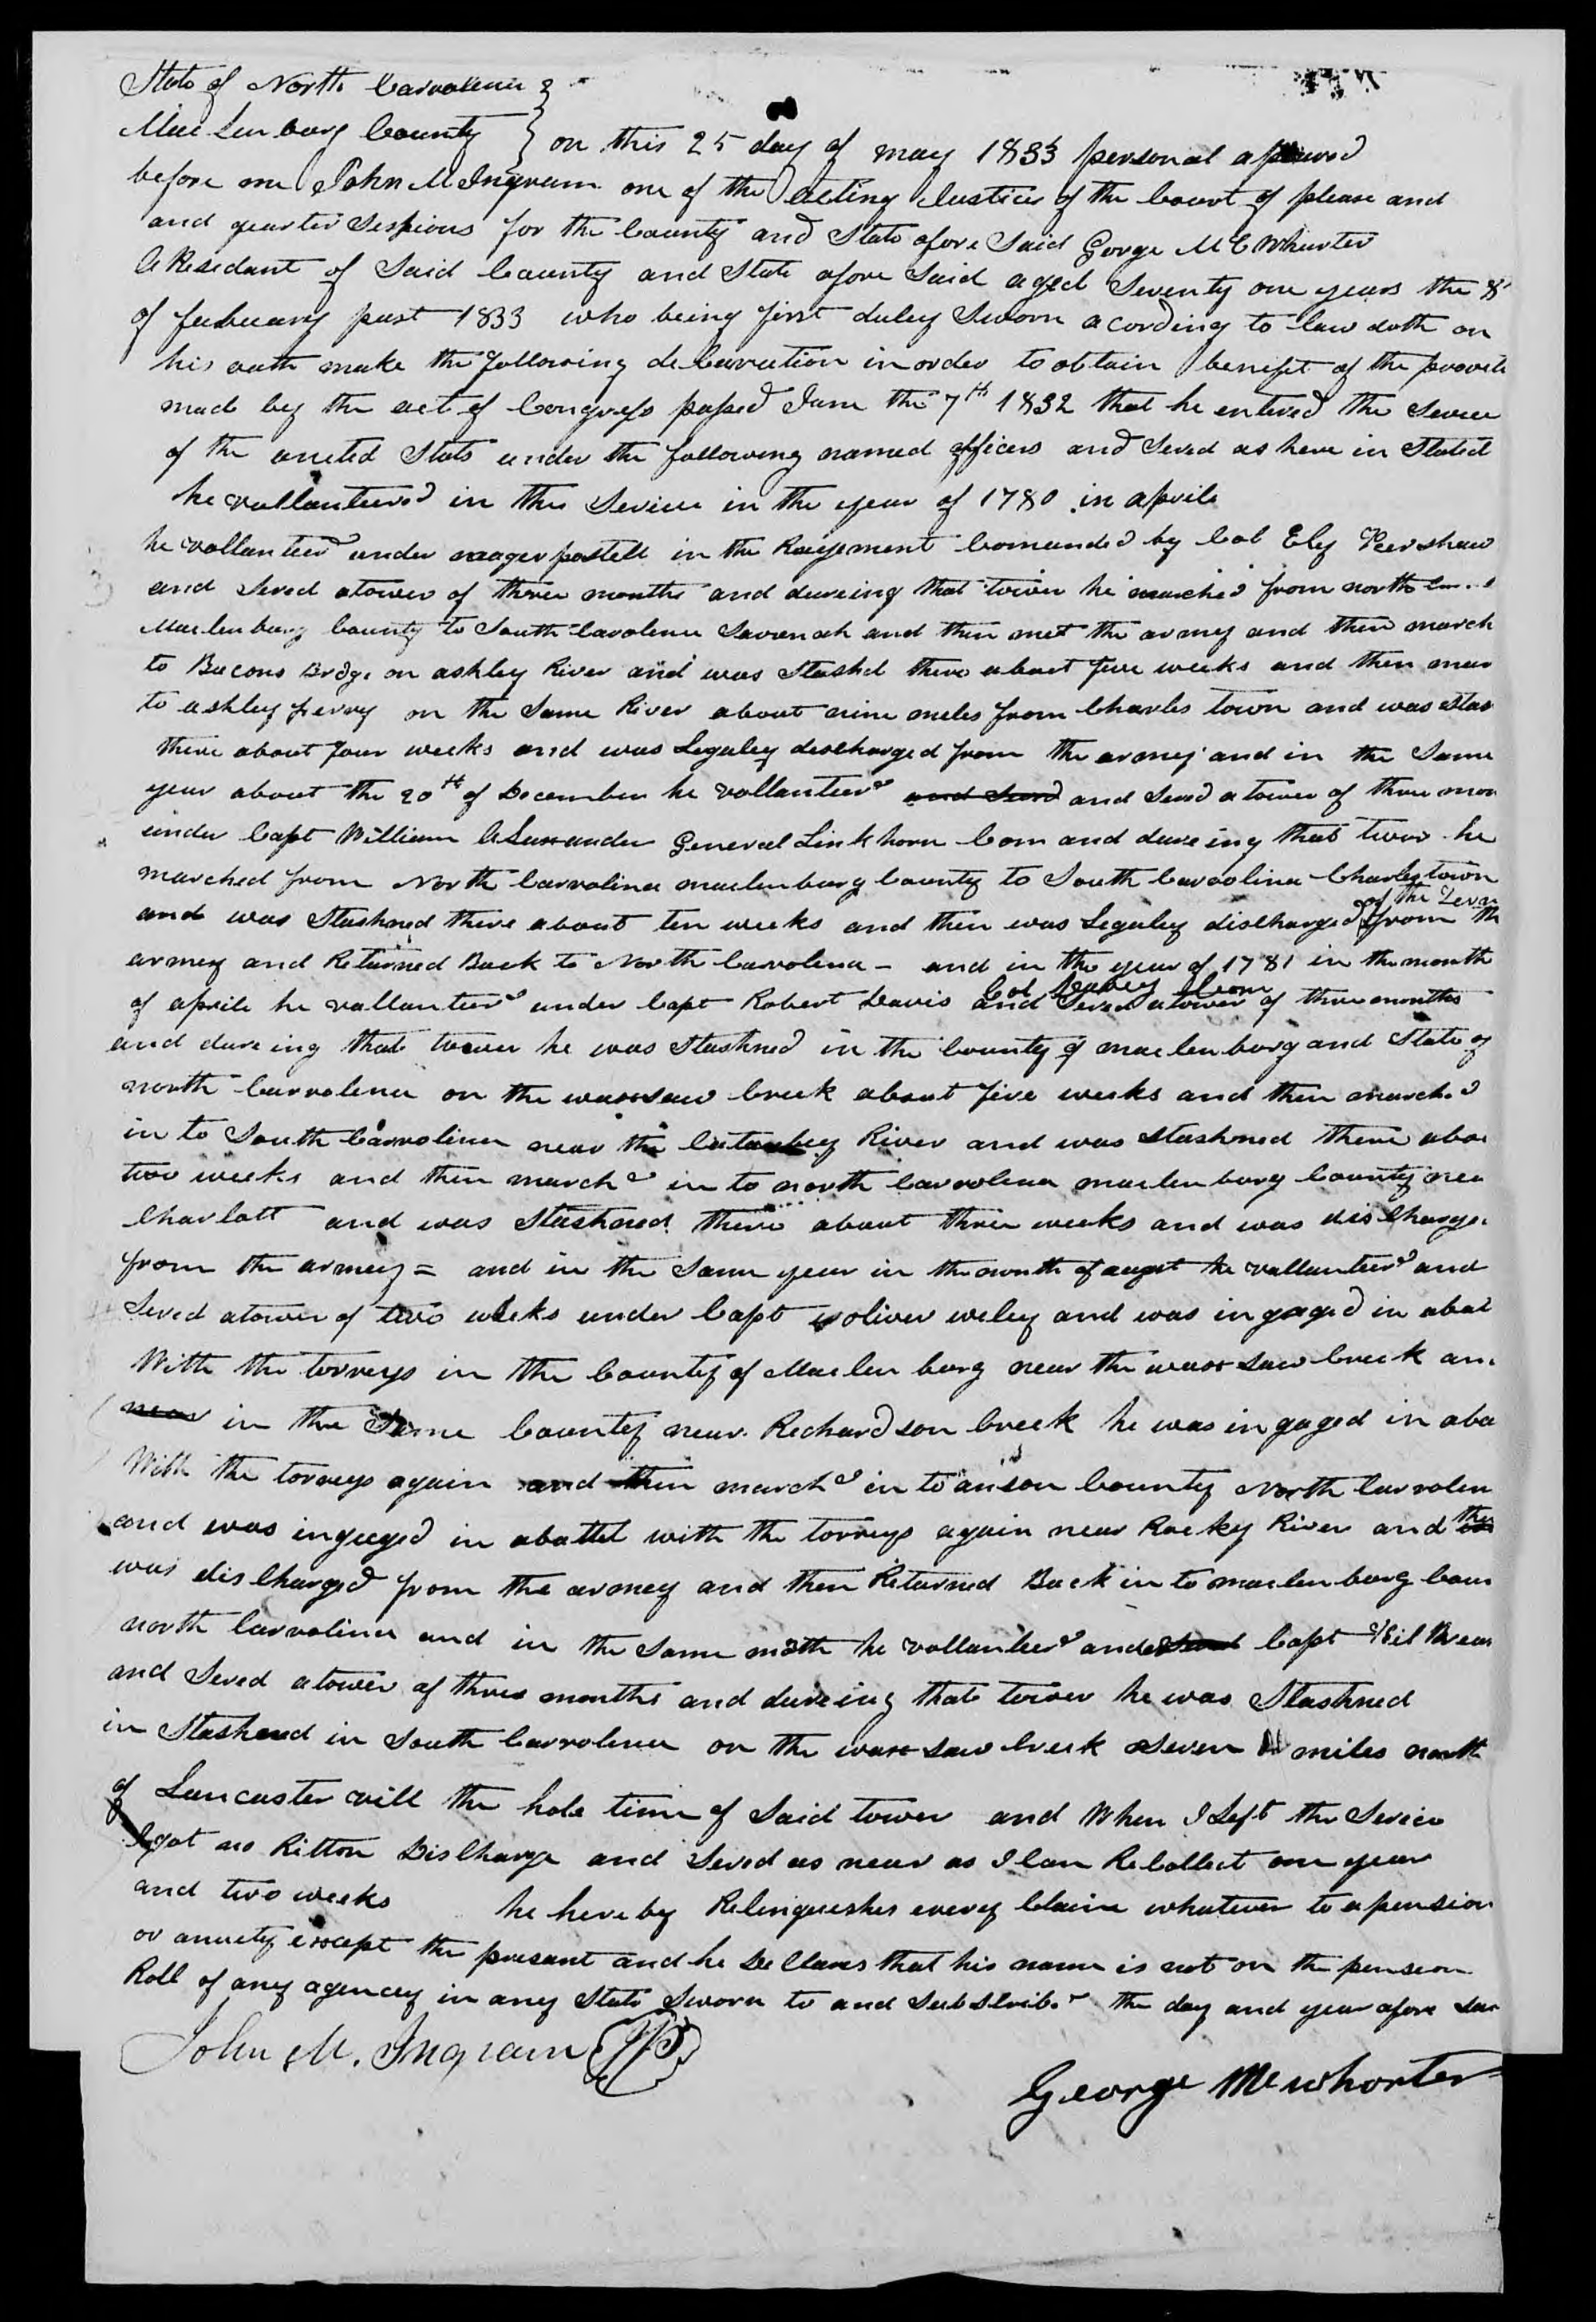State of North Carolina
Mecklenburg County
on this 24 day of May 1833 personal appeared before me John M Ingram one of the acting Justices of the Court of Pleas and Quarter Sessions for the County and State aforesaid George McWhorter, a Resident of Said County and State aforesaid aged Seventy one years the 8th of February past 1833 who having first duly sworn according to law doth on his oath make the following declaration in order to obtain benefit of the provision made by the act of Congress passed June the 7th 1832 that he entered the service of the United States under the following named officers and served as herein stated 
he volunteered in this service in the year of 1780 in April he volunteered under Major Postell in the Regiment commanded by Col Ely Kershaw and served a tour of three months and during that tour he marched from North Carolina Mecklenburg County to South Carolina Savannah and there met the army and then marched to Bacon's Bridge on Ashley River and was stationed there about five weeks and then went to Ashley ferry on the same river about nine miles from Charles Town and was stationed there about four weeks and was legally discharged from the army and in the Same year about the 20th of December he volunteered and served a tour of three months under Capt William A Sur [?] under General Linkhorn [Lincoln] and during that time he marched from North Carolina Mecklenburg County to South Carolina Charlestown and was stationed there about ten weeks and then was legally discharged from the army and Returned Back to North Carolina. and in the year of 1781 in the month of April he volunteered under Capt Robert Lewis and served a tour of three months and during that tour he was stationed in the County of Mecklenburg and State of North Carolina on the Warsaw Creek about five weeks and then marched in to South Carolina near the Catawba River and was stationed there about two weeks and then marched to North Carolina Mecklenburg County area Charlotte and was stationed there about three weeks and was discharged from the army--
and in the Same year in the month of August he volunteered and served a tour of two weeks under Capt Oliver Wiley and was engaged in a battle With the Torreys in the County of Mecklenburg near the Waxhaw Creek and in the Same County near Richardson Creek he was engaged in a battle with the Torreys again and then marched into Anson County North Carolina and was engaged in a battle with the Torreys again near Rocky River and then was discharged from the army and then Returned back to Mecklenburg County North Carolina and in the Same month he volunteered under Capt Kilbreth and served a tower of three months and during that tour he was Stationed  in South Carolina on the Waxhaw Creek Seven miles north of Lancasterville the whole time of Said Tour and when I left the service I got a written Discharge and served as near as I can Recollect one year and two weeks. He hereby Relinquishes every claim whatever to a pension or annuity except the present and he claims that his name is not on the pension Roll of any agency in any State. Sworn to and subscribed the day and year aforesaid
John M Ingram ( signed ) JP
George McWhorter ( signed )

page: 7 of 35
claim: survivor's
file: S. 9,011, for George Mc Whorter, North Carolina